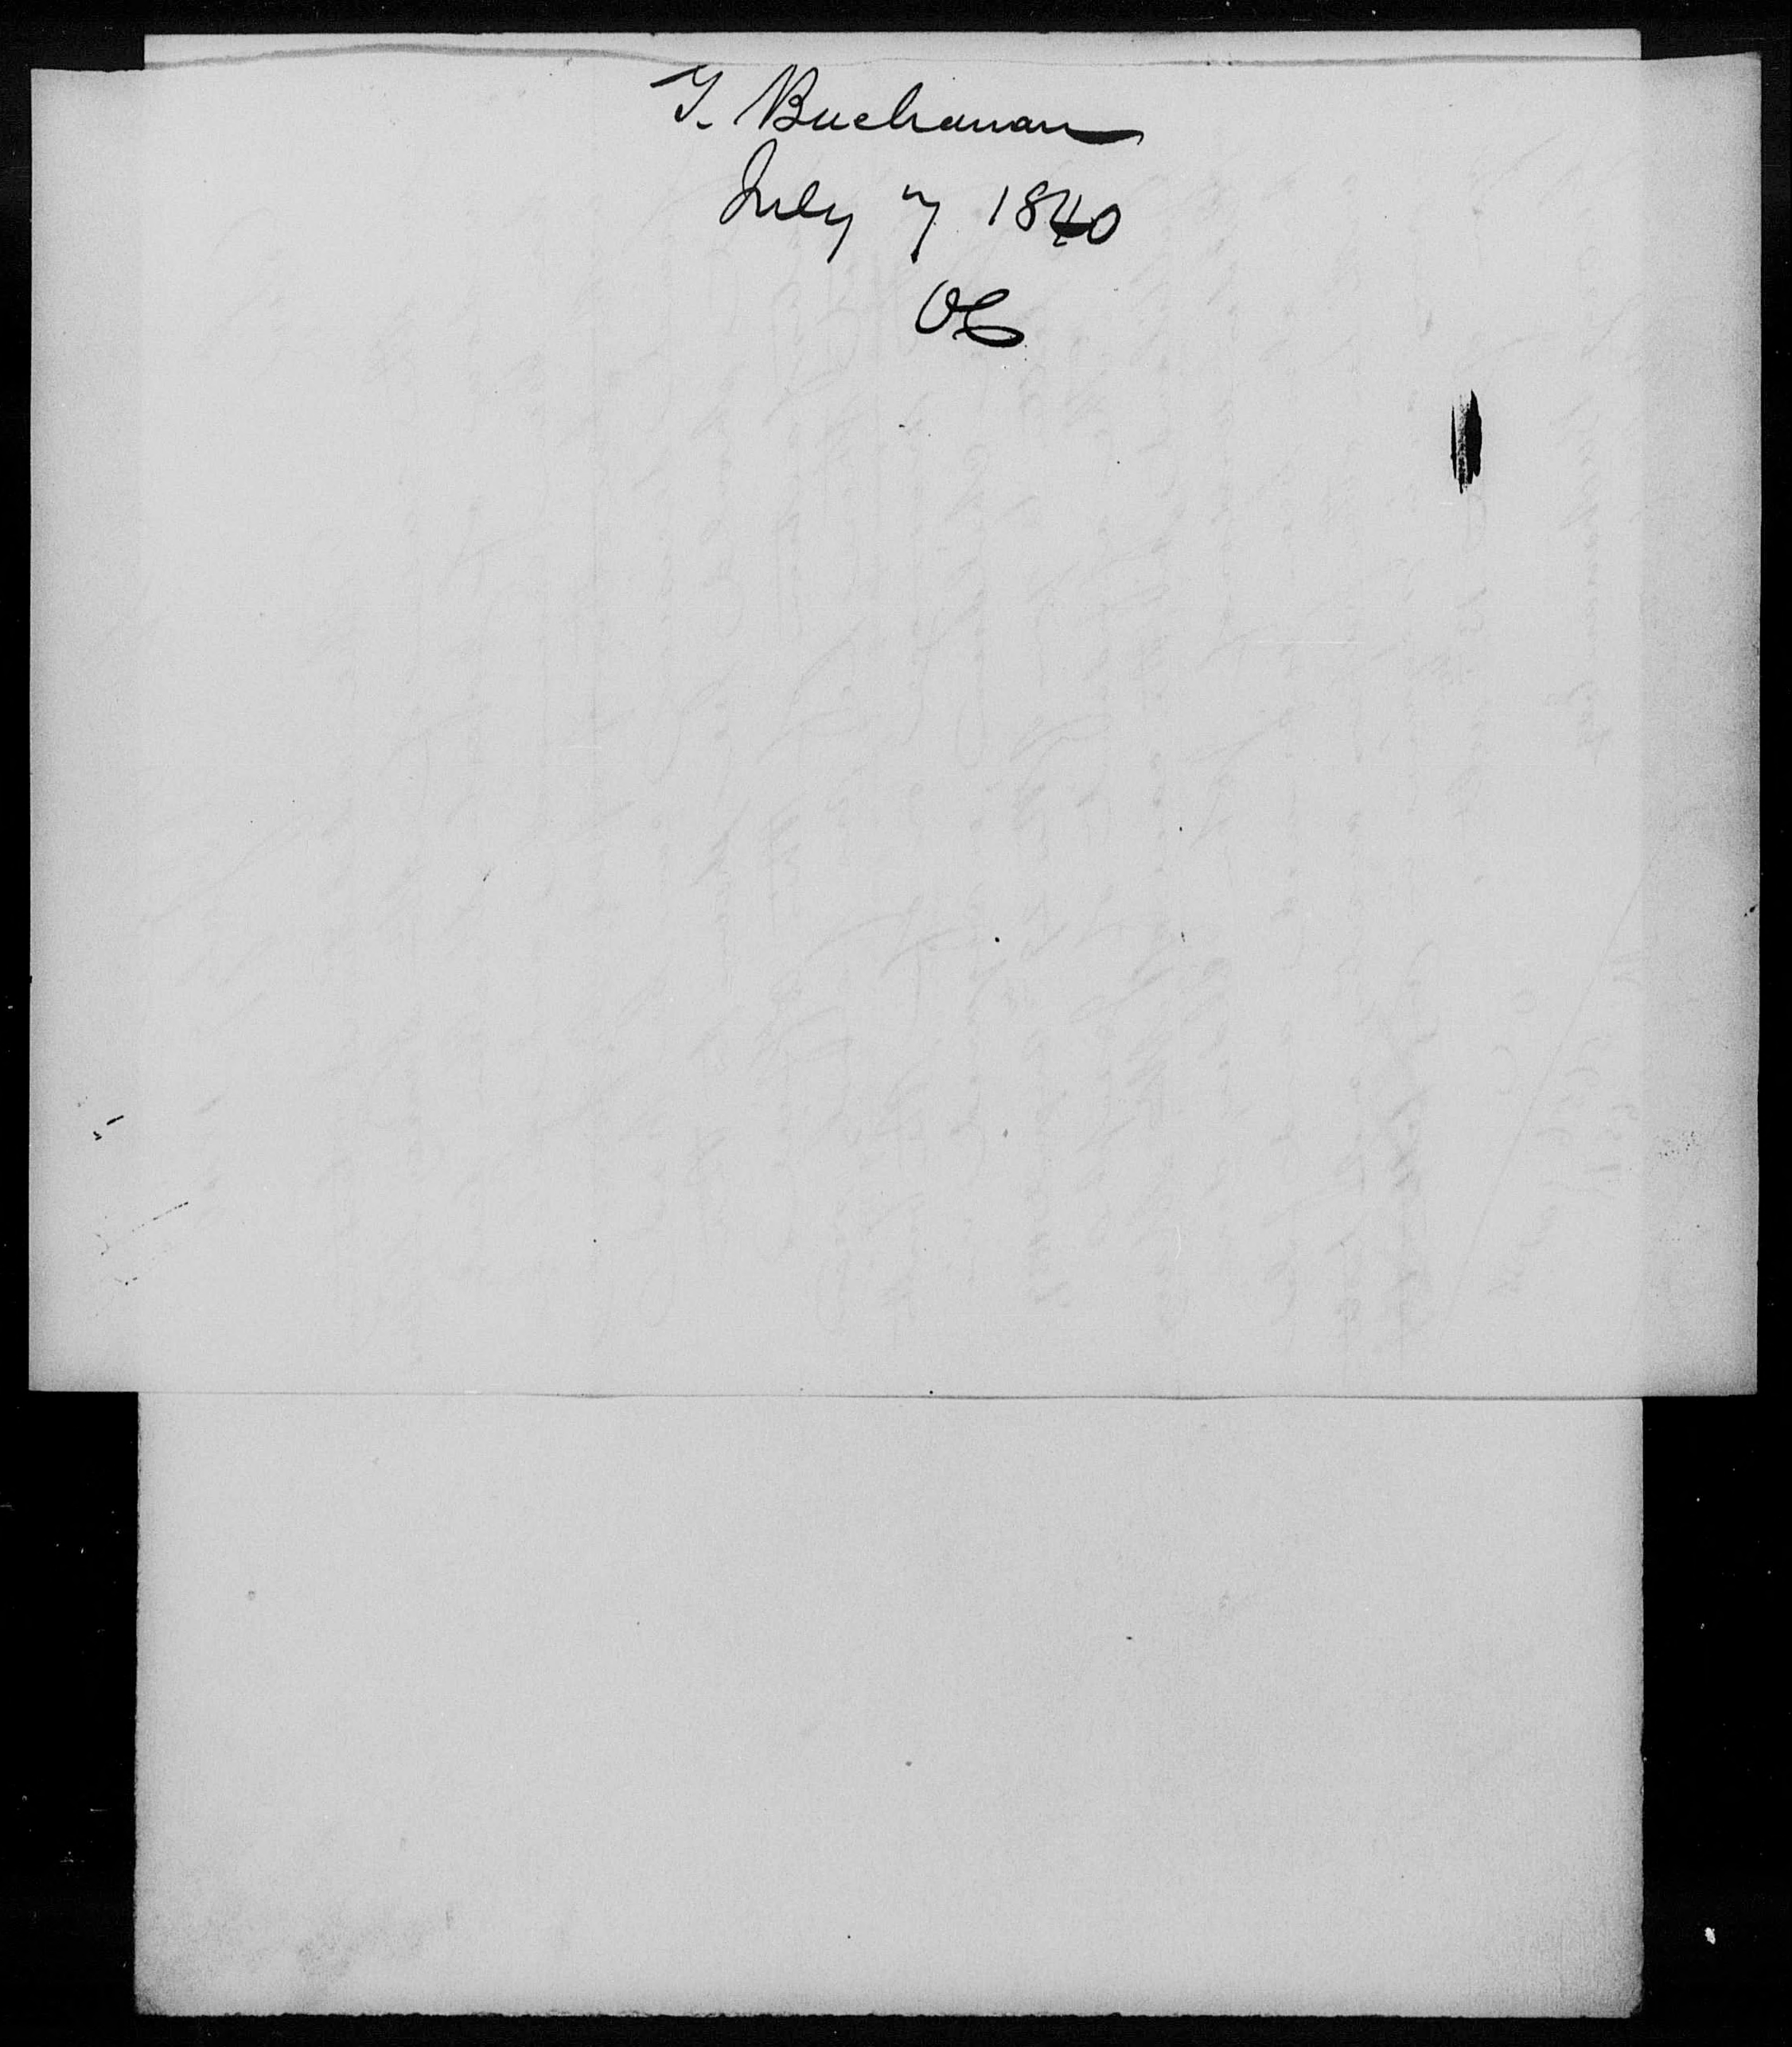G. Buchanan
July 7 1840
OC (?)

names: G Buchanan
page: 22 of 80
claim: widow's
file: W. 24117, John Elder, Penn.